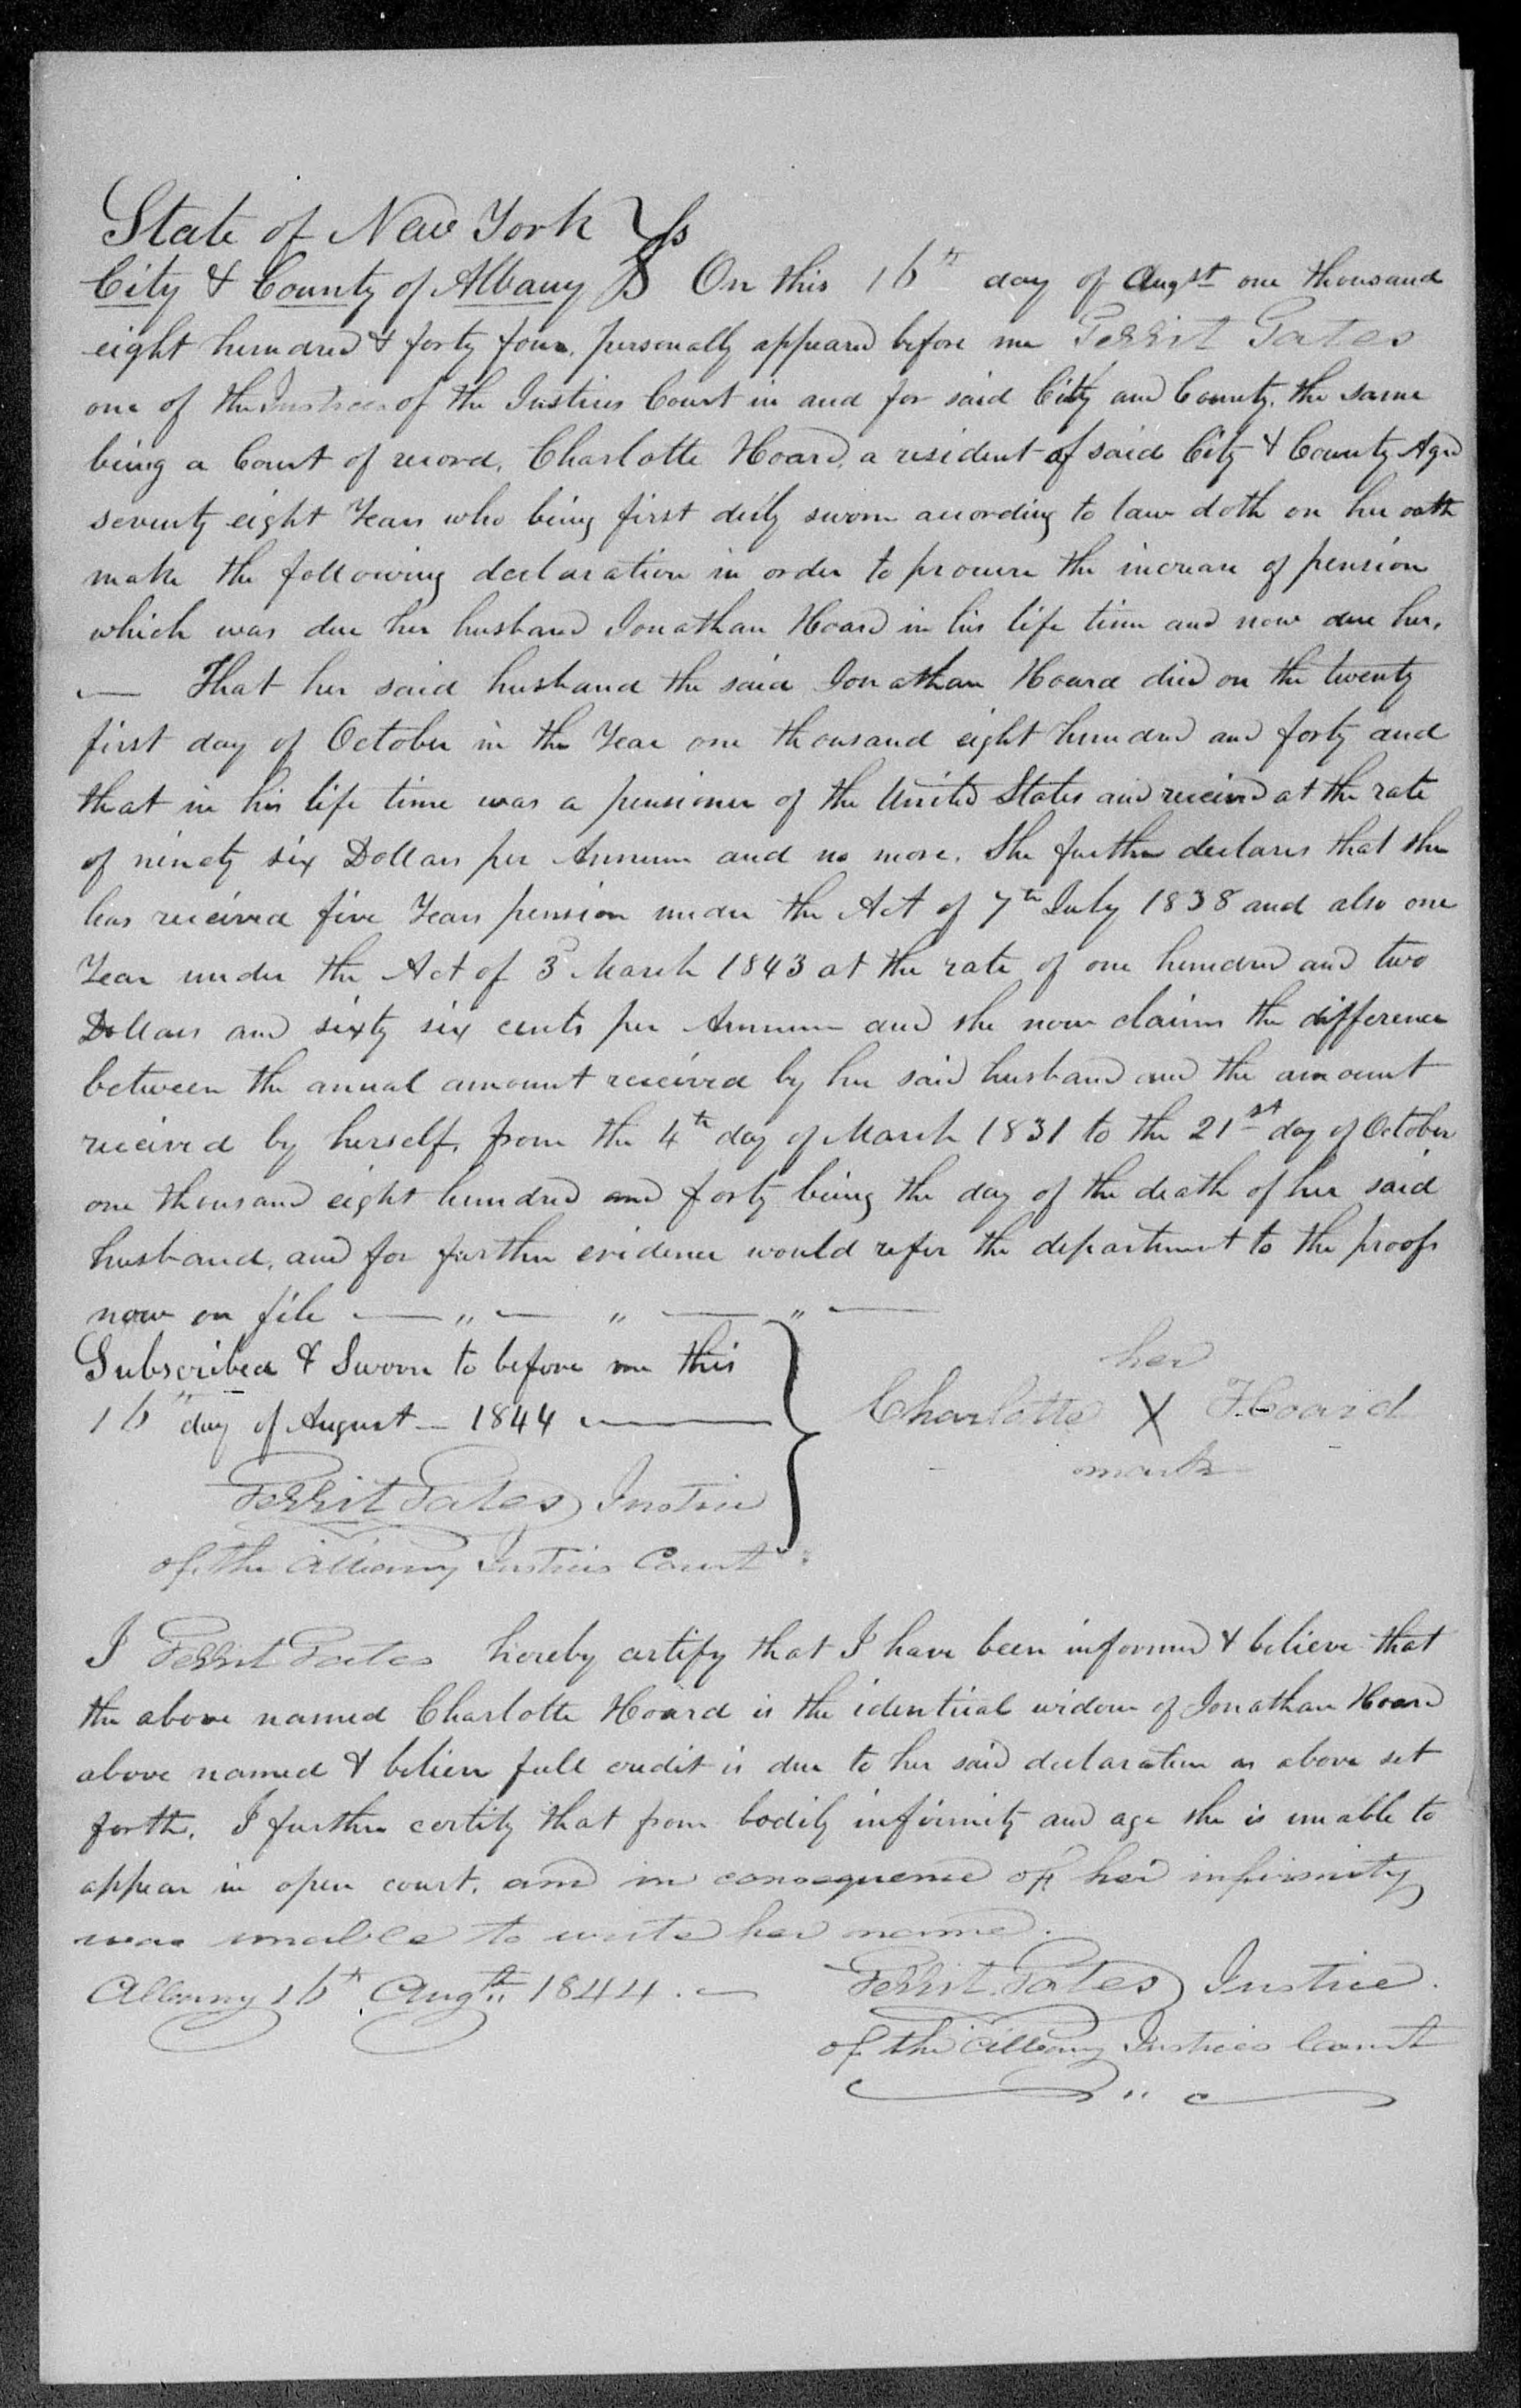State of New York  
City & County of Albany} ss
 On this 16th day of August one thousand eight hundred & forty four personally appeared before me Gerrit Gates one of the Justice of the Justices Court in and for said City and County, the same being a Court of record, Charlotte Hoard, a resident of said City & County Aged seventy eight years who being first duly sworn according to law doth on her oath make the following declaration in order to prove the increase of pension which was due her husband Jonathan Hoard in his life time and now due her, That her said husband the said Jonathan Hoard died on the twenty first day of October in the year one thousand eight hundred and forty and that in his life time was a pensioner of the United States and received at the rate of ninety six Dollars per Annum and no more. She further declares that the has received five years pension under the Act of 7th July 1838 and also one year under the Act of 3 March 1843 at the rate of one hundred and two Dollars and sixty six cents per Annum and the now claim the difference between the annual amount received by her said husband and the amount received by herself from the 4th day of March 1831 to the 21st day of October one thousand eight hundred and forty being the day of the death of her said husband, and for further evidence would refer the department to the proof now on file --- " ---- " --- " ---
Charlotte Hoard her X mark

Subscribed & Sworn to before me this 16th day of August, 1844-- 
Gerrit Gates Justice of the Albany Justices Court (signature)

I Gerrit Gates hereby certify that I have been informed & believe that the above named Charlotte Hoard is the identical widow of Jonathan Hoard above named & believe full credit is due to her said declaration as above set forth. I further certify that from bodily infirmity and age she is unable to appear in open court, and in consequence of her infirmity was unable to write her name. 
Albany 16th Augt 1844.
Gerrit Gates Justice of the Albany Justices Court (signature)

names: Gerrit Gates, Jonathan Hoard, Gerrit Gates, Charlotte Hoard, Jonathan Hoard, Jonathan Hoard, Charlotte Hoard, Gerrit Gates, Gerrit Gates, Charlotte Hoard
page: 41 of 52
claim: widow's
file: W 19755, Jonathan Hoard, Mass.